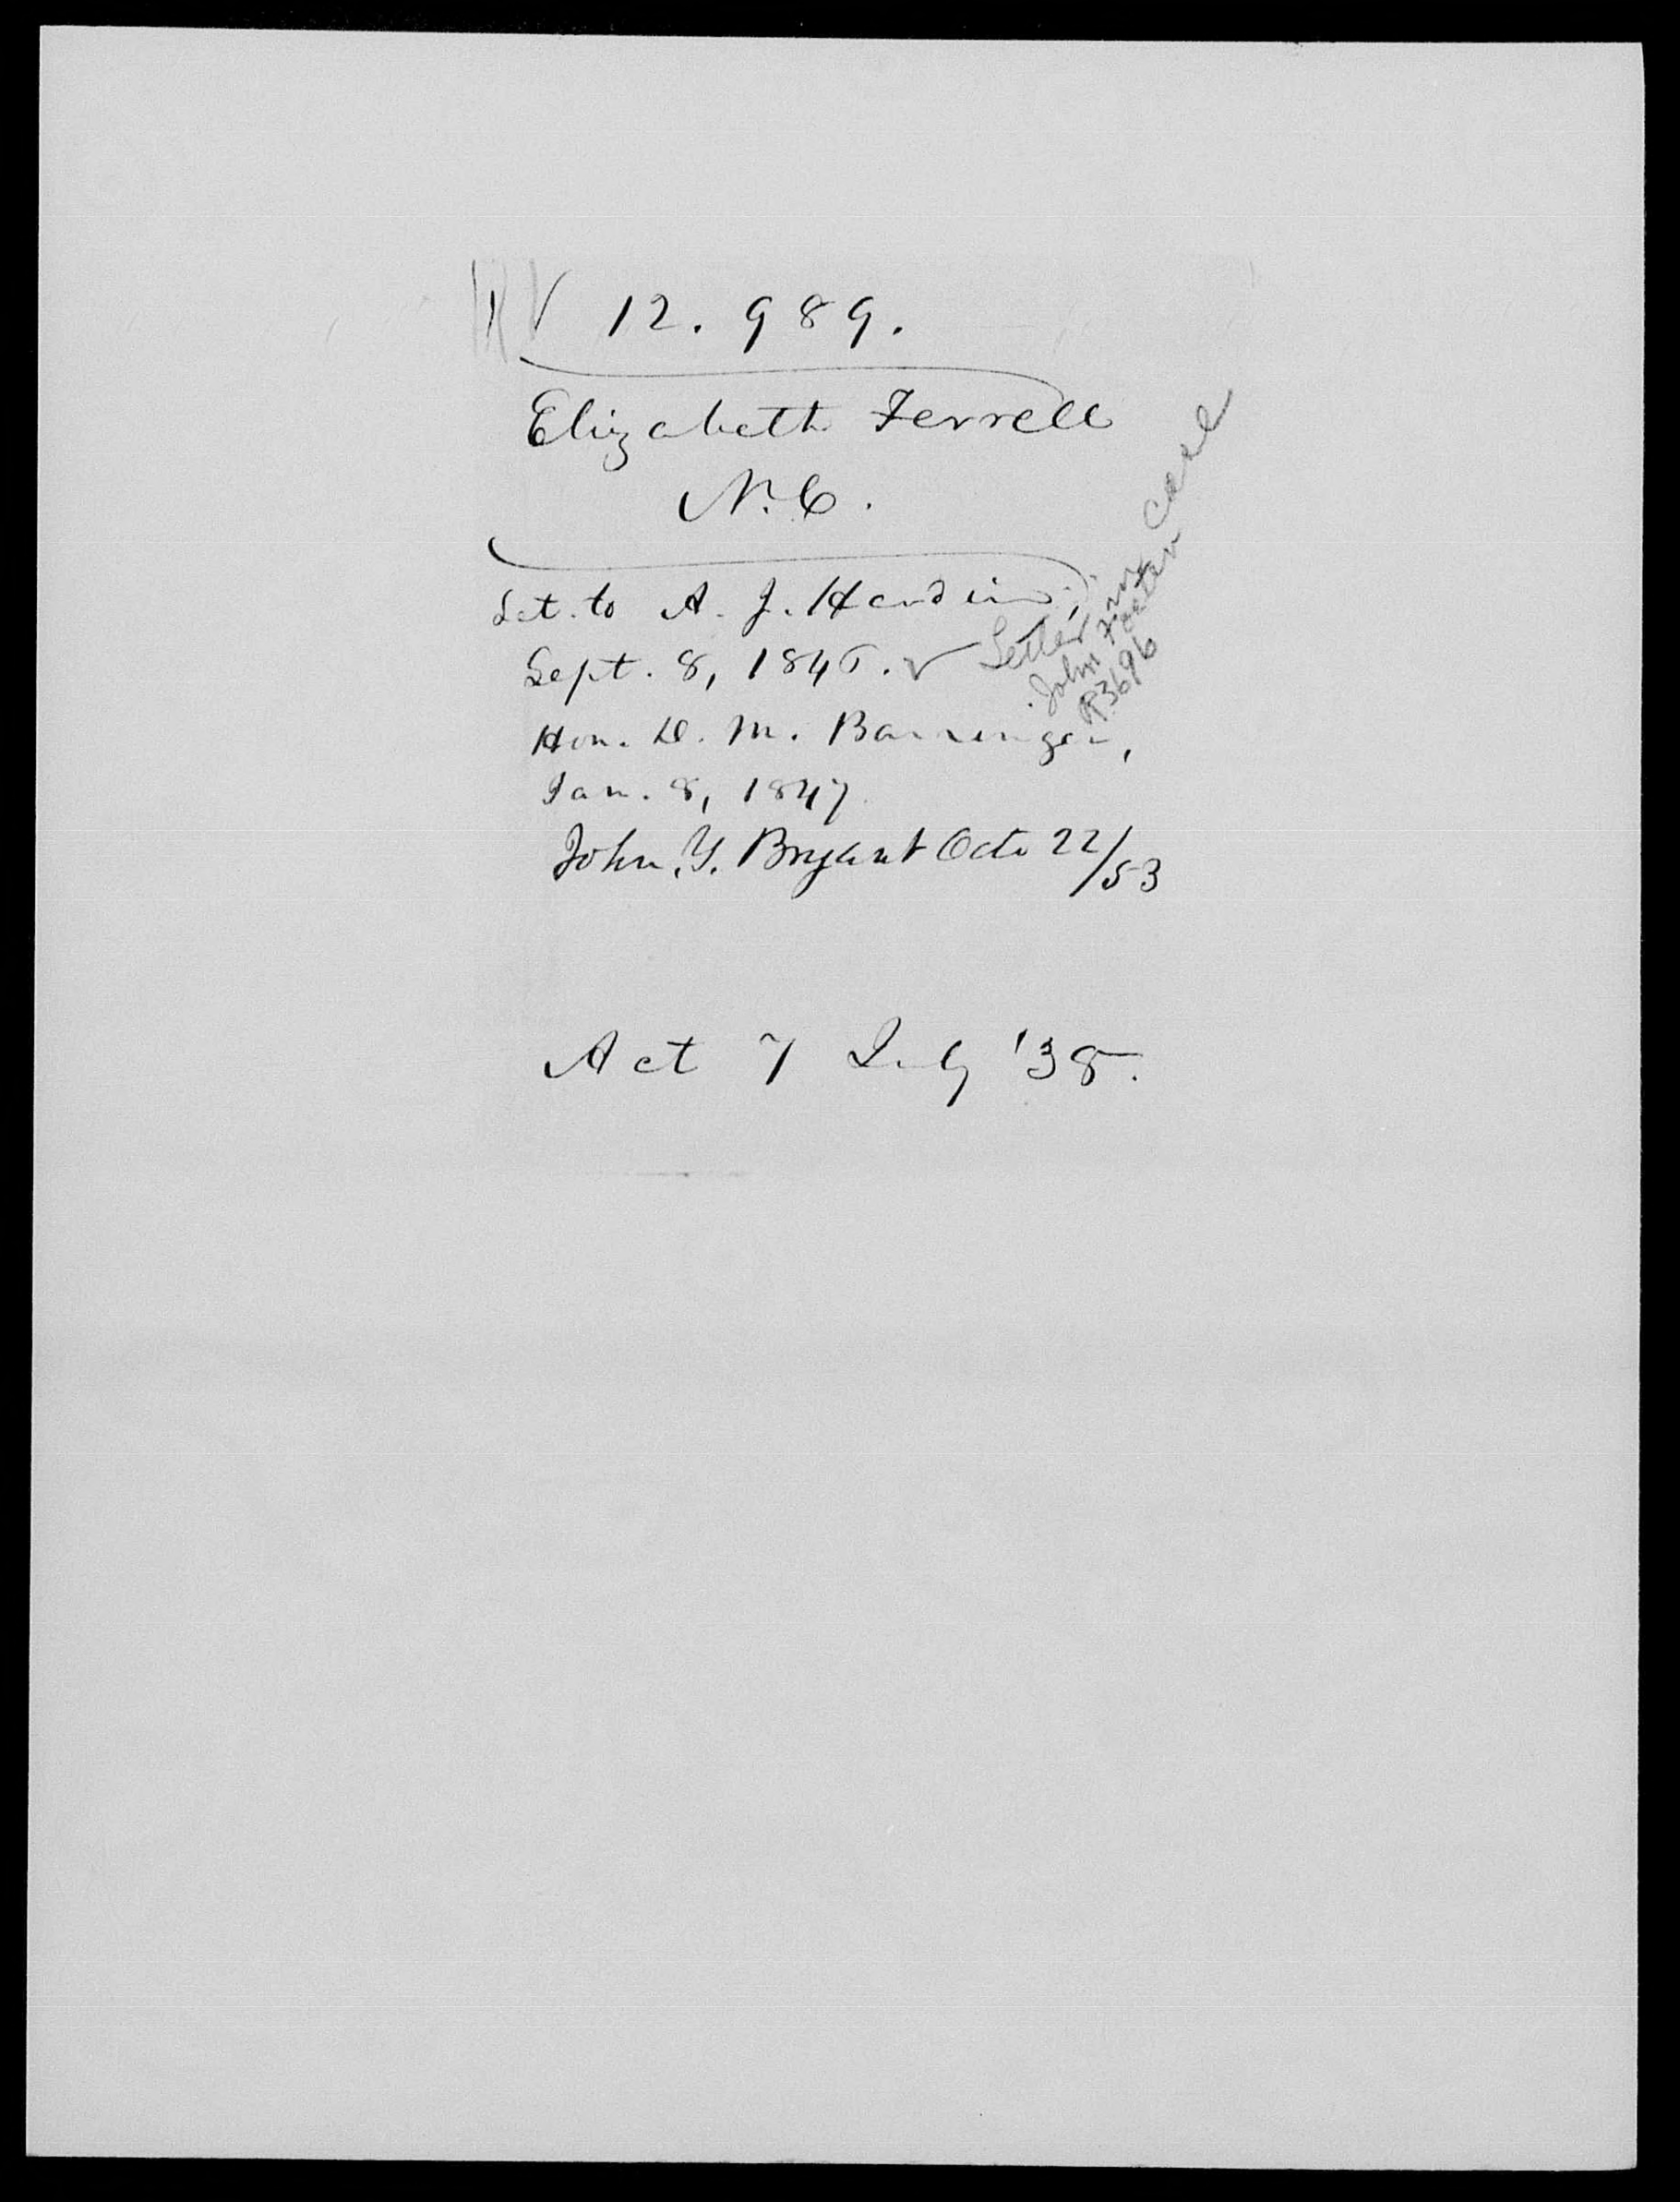RV 12. 989.
Elizabeth Ferrell
N.C.
Set to A.J. Henderson
Sept. 8, 1846
Settled case
John Foster R 3696
Hon. D.M. Barringer
Jan. 8, 1847
John Y. Bryant oct 22/53
Act 7 July ‘38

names: D M Barringer, Elizabeth Ferrell, A J Hardin, John Forten, John Y Bryant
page: 45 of 52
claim: rejected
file: R. 3,512, John Ferrell, N.C.